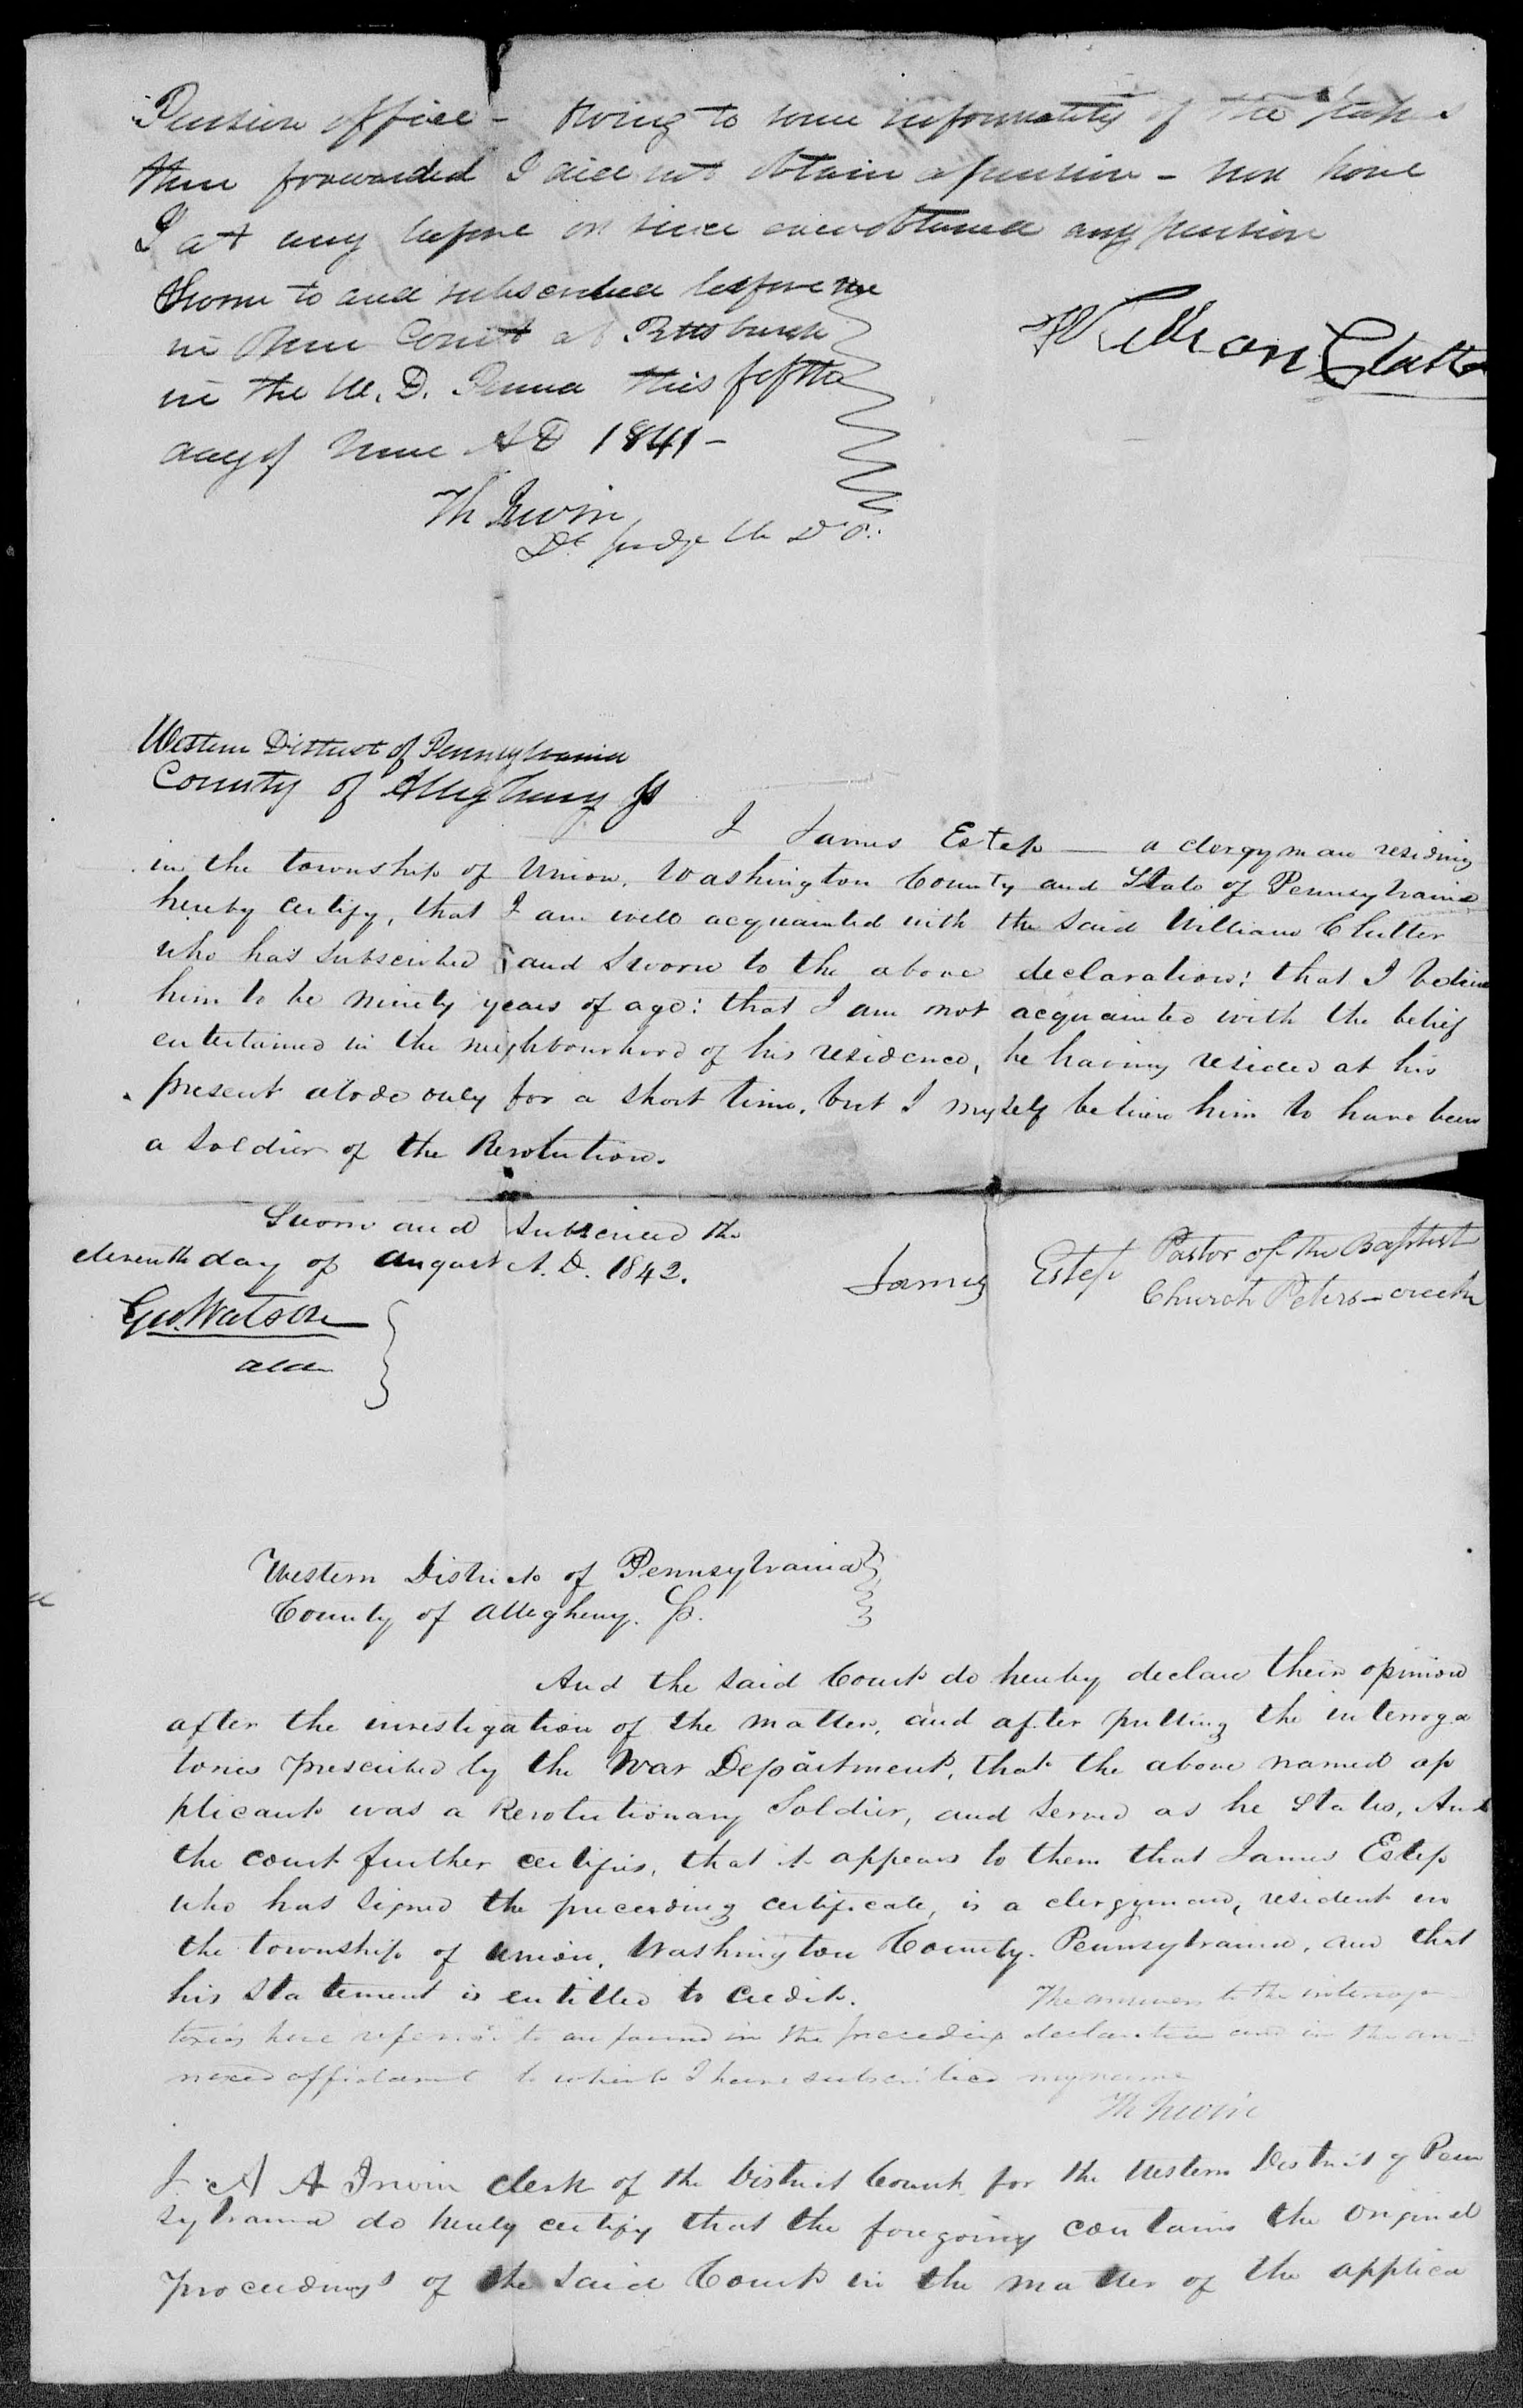pension office.  Owing to the informality of the papers then forwarded, I did not obtain a pension - nor have I at any before or since obtained any pension.  
William Clutter

Sworn to and subscribed before me in said court at Pittsburgh in the W.D. Penna this fifth day of June AD 1841
Th Irwin
2nd Judge W. D. C. 

Western District of Pennsylvania
County of Allegheny
I, James Estep a clergyman residing in the township of Union, Washington County and State of Pennsylvania hereby certify, that I am well acquainted with the said William Clutter who has subscribed and sworn to the above declaration; that I believe him to be ninety years of age; that I am not acquainted with the belief entertained in the neighborhood of his residence, he having resided at present above only for a short time, but I myself believe him to have been a soldier of the Revolution.  
James Estep
Pastor of the Baptist Church Peters Creek

Sworn and subscribed the eleventh day of August AD 1842
Geo Watson
ald

Western District of Pennsylvania
County of Allegheny }ss.
And the said court do hereby declare their opinion after the investigation of the matter, and after putting the interrogatories prescribed by the War Department, that the above named applicant was a Revolutionary soldier, and served as he states.  And the court further certifies that it appears to them that James Estep who has signed the preceding certificate is a clergyman, resident in the township of Union, Washington County Pennsylvania and that his statement is entitled to credit.   The answers to the interrogatories here referenced to are found in the preceding declaration and in the annexed affidavit to which I have subscribed my name. 
Th Irwin

I A A Irwin, Clerk of the District Court for the Western District of Pennsylvania do hereby certify that the foregoing contains the original proceedings of the said court in the matter of the applica-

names: William Clutter, James Estep, Th Irwin, Th Irwin, Geo Watson, Willian Clutter, James Estep, A A Irwin, James Estep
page: 26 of 35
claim: rejected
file: R. 2066, William Clutter, New Jersey